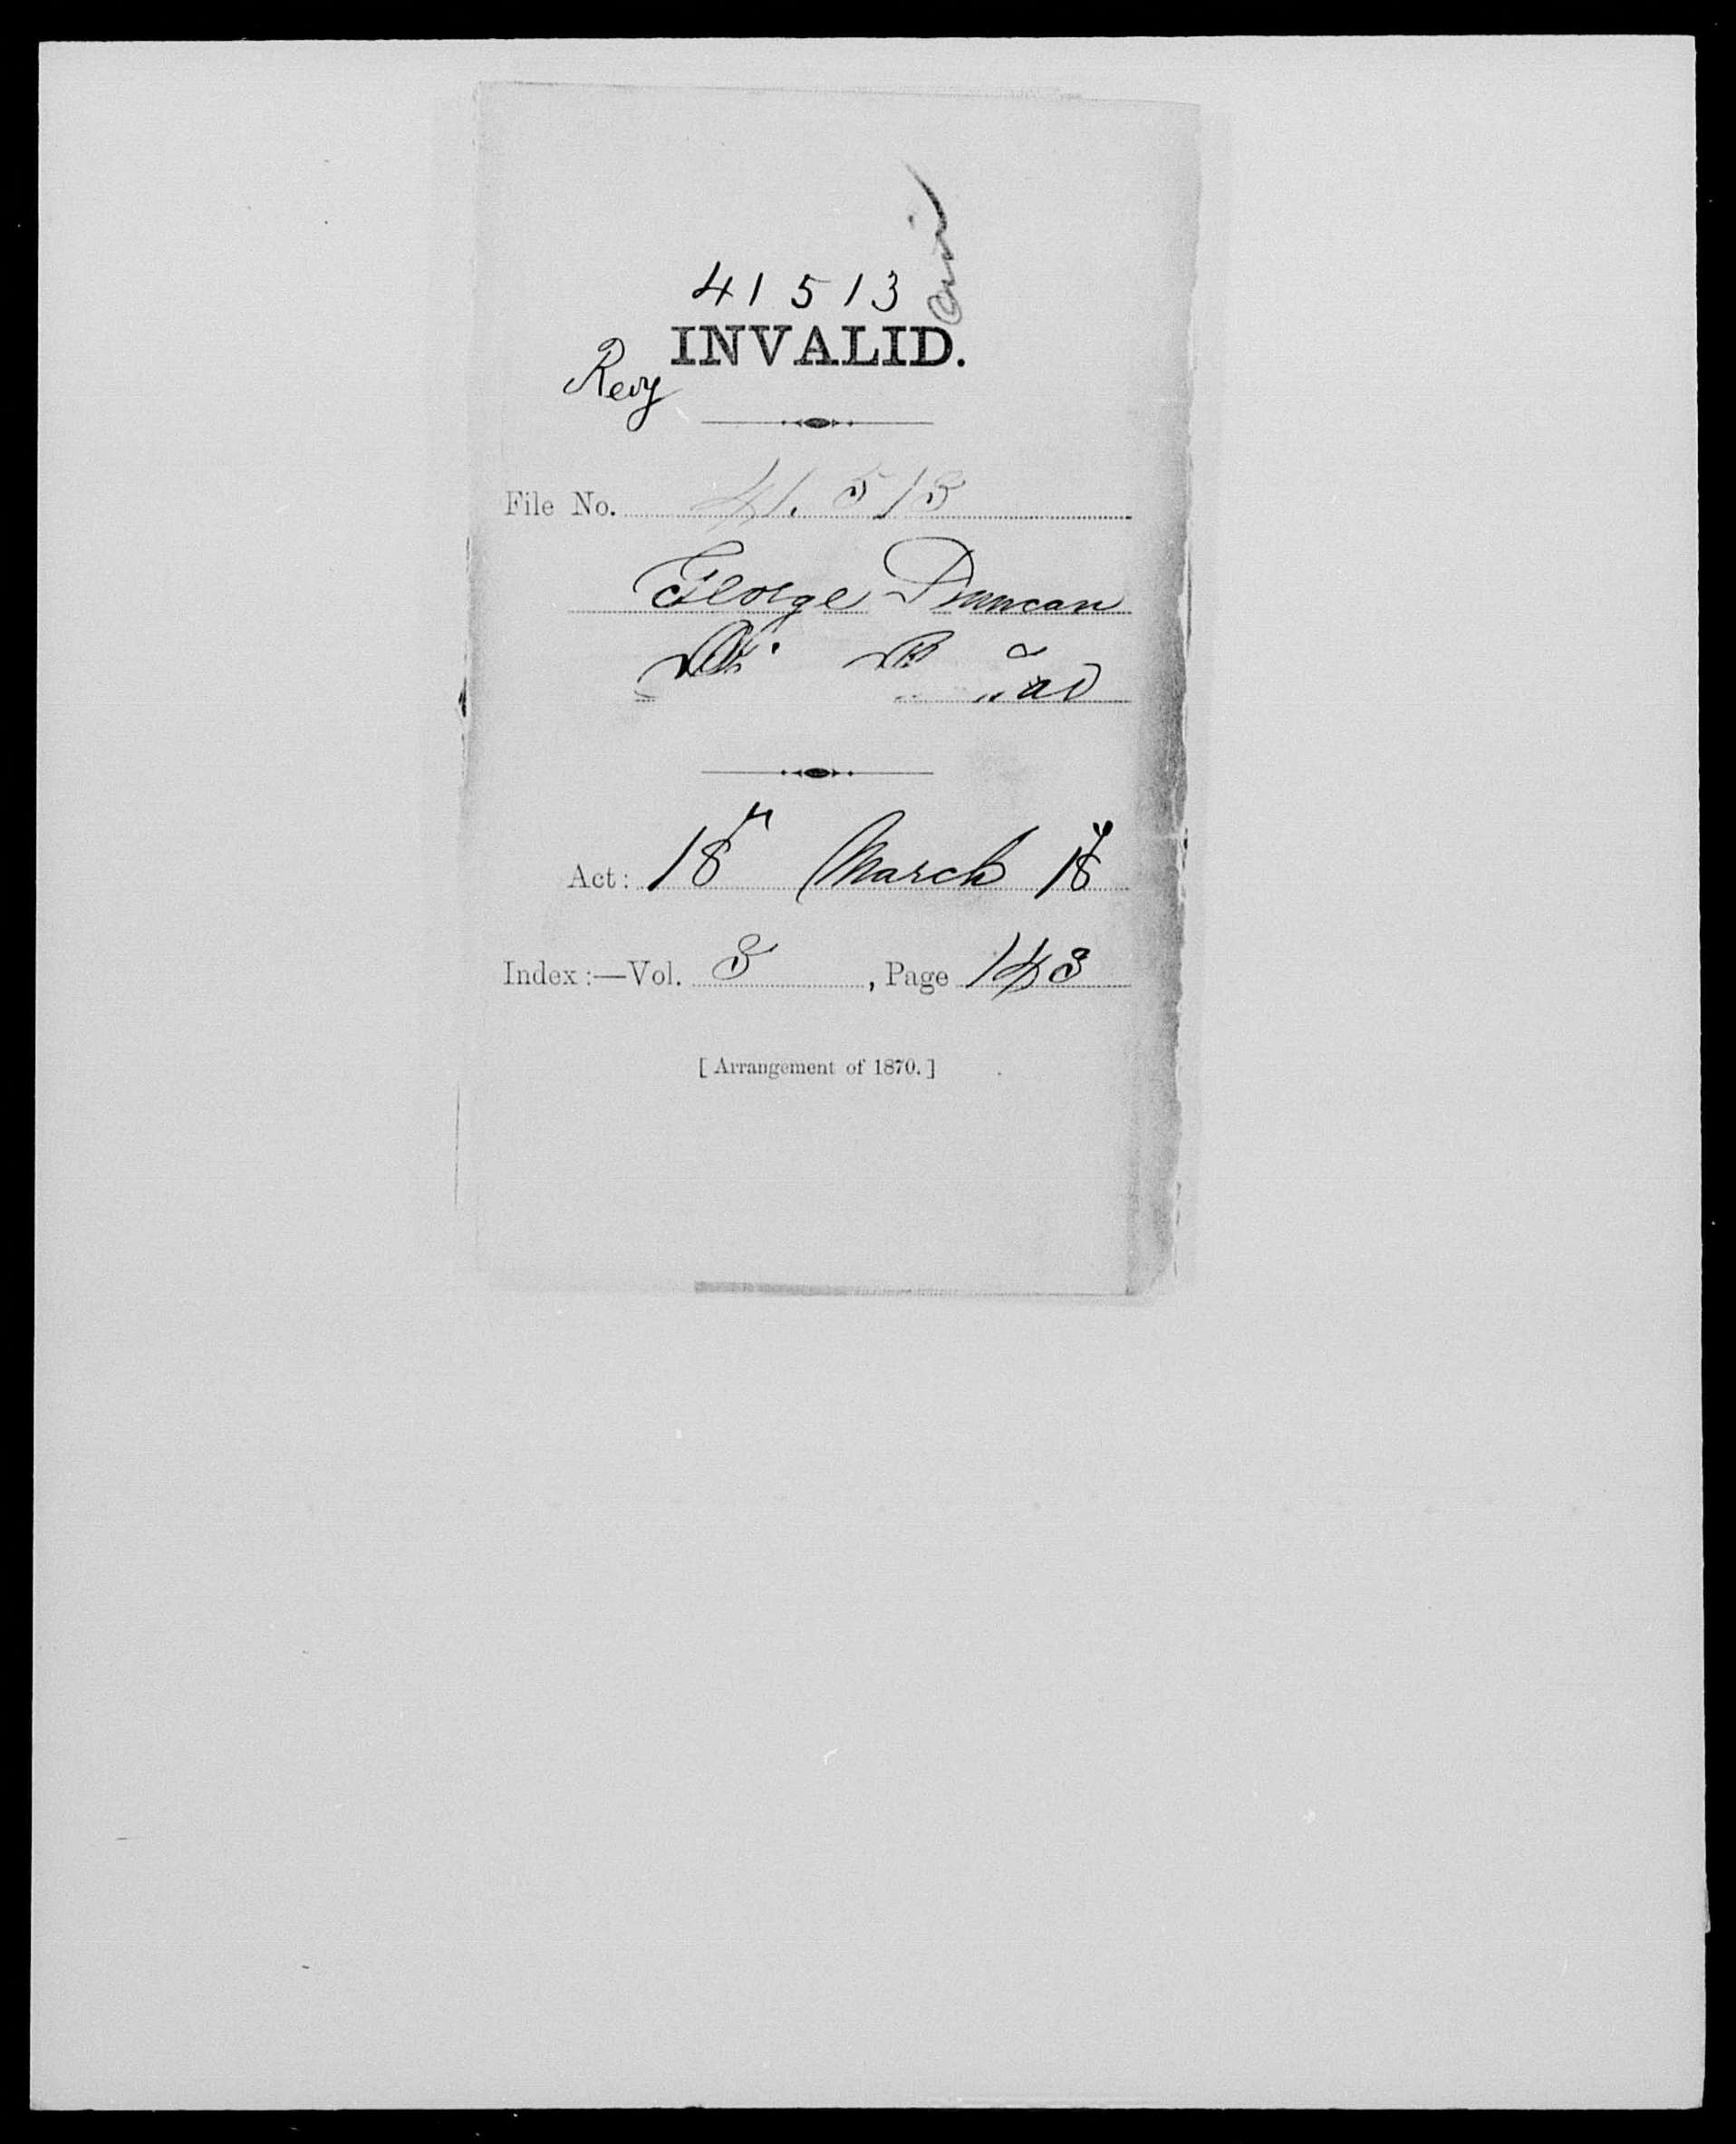41513
INVALID.
Revolutionary

File Number 41.513

George Duncan
[illegible] Revolutionary War

Act;  18th March 18

Index:  - Volume G,  Page 143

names: George Duncan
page: 15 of 49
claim: survivor's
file: S. 41513, George Duncan, N.C.